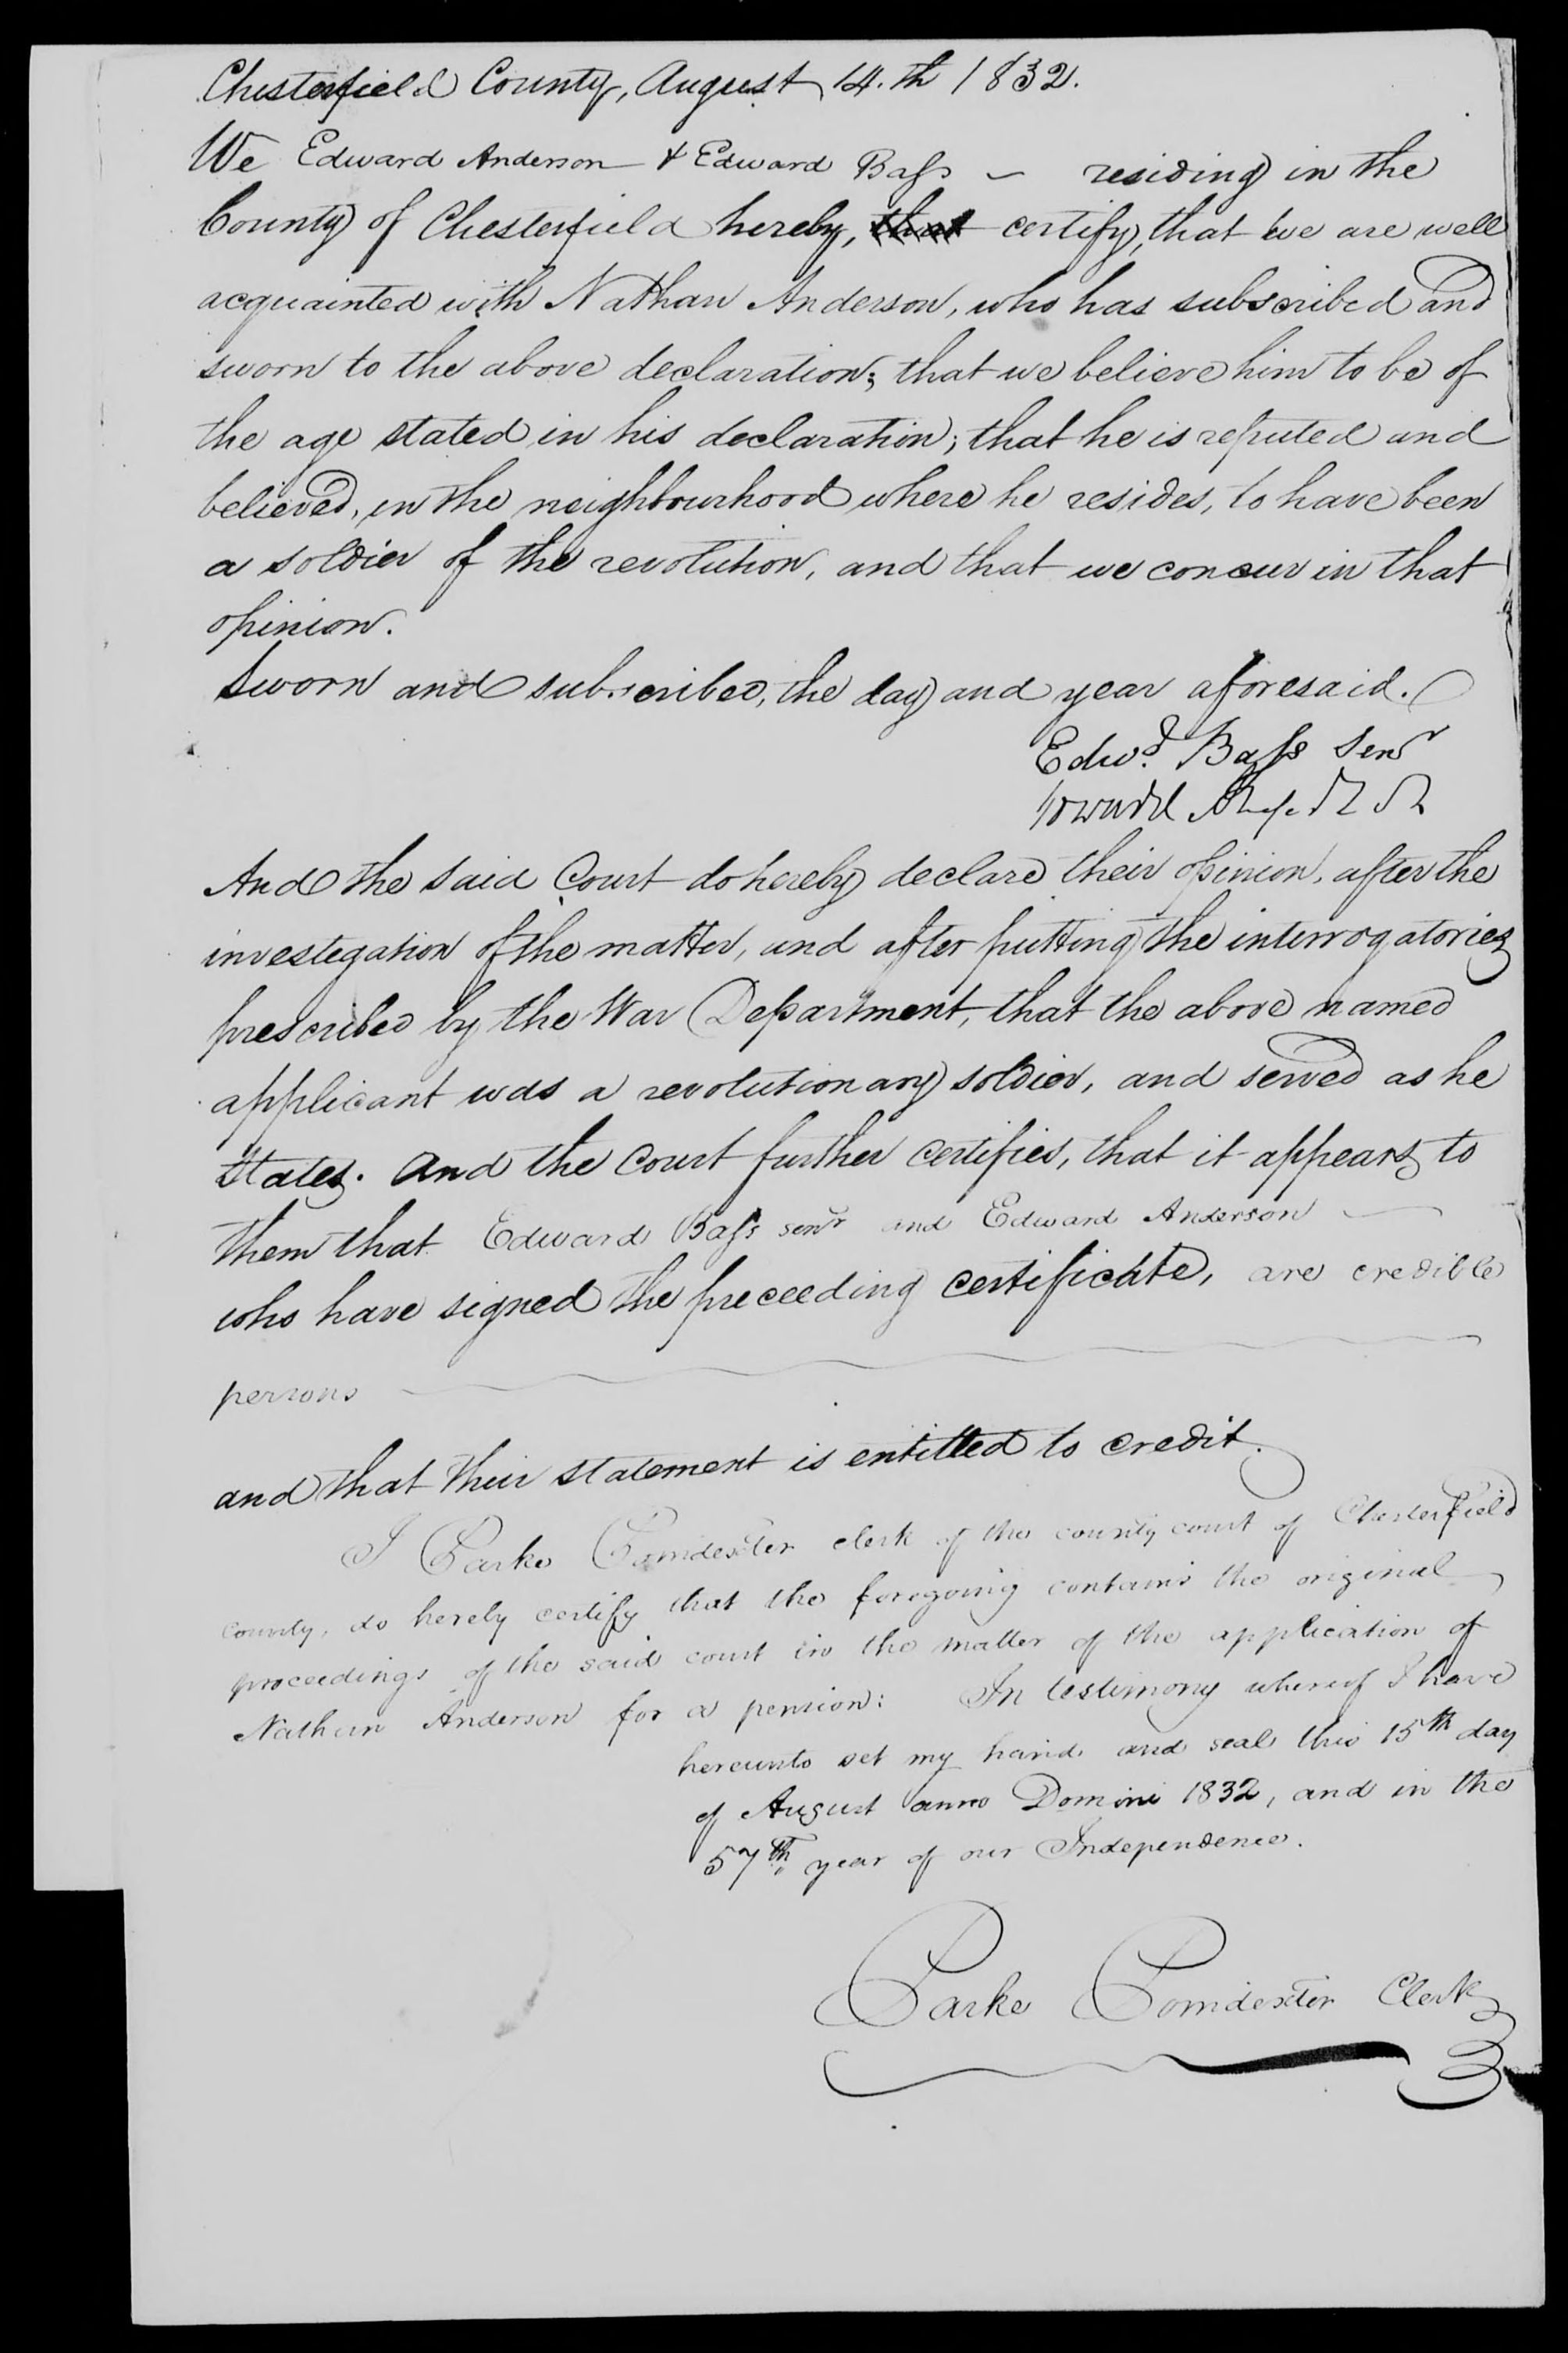Chesterfield County, August 14th 1832.
We Edward Anderson & Edward Bass — residing in the County of Chesterfield hereby, certify, that we are well acquainted with Nathan Anderson, who has subscribed and sworn to the above declaration; that we believe him to be of the age stated in his declaration; that he is reputed and believed, in the neighbourhood where he resides, to have been a soldier of the revolution, and that we concur in that opinion.
Sworn and subscribed, the day and year aforesaid.
Edwd. Bass Senr
Edward Anderson 
And the said Court do hereby declare their opinion, after the investigation of the matter, and after putting the interrogatories prescribed by the War Department, that the above named applicant was a revolutionary soldier, and served as he states. And the Court further Certifies, that it appears to them that Edward Bass senr and Edward Anderson who have signed the preceeding certificate, are credible persons and that their statement is entitled to Credit.
I Parke Poindexter Clerk of the county court of Chesterfield county, do hereby certify that the foregoing contains the original proceedings of the said court in the matter of the application of Nathan Anderson for a pension: In testimony whereof I have hereunto set my hand and seal this 15th day of August anno Domini 1832, and in the 57th year of our Independence.
Parke Poindexter Clerk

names: Edwd Bass, Edward Bass, Edward Anderson, Parke Poindexter, Nathan Anderson, Nathan Anderson, Parke Poindexter, Edward Bass, Edward Anderson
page: 6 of 43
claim: widow's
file: W. 5,626, Nathan Anderson, Va.